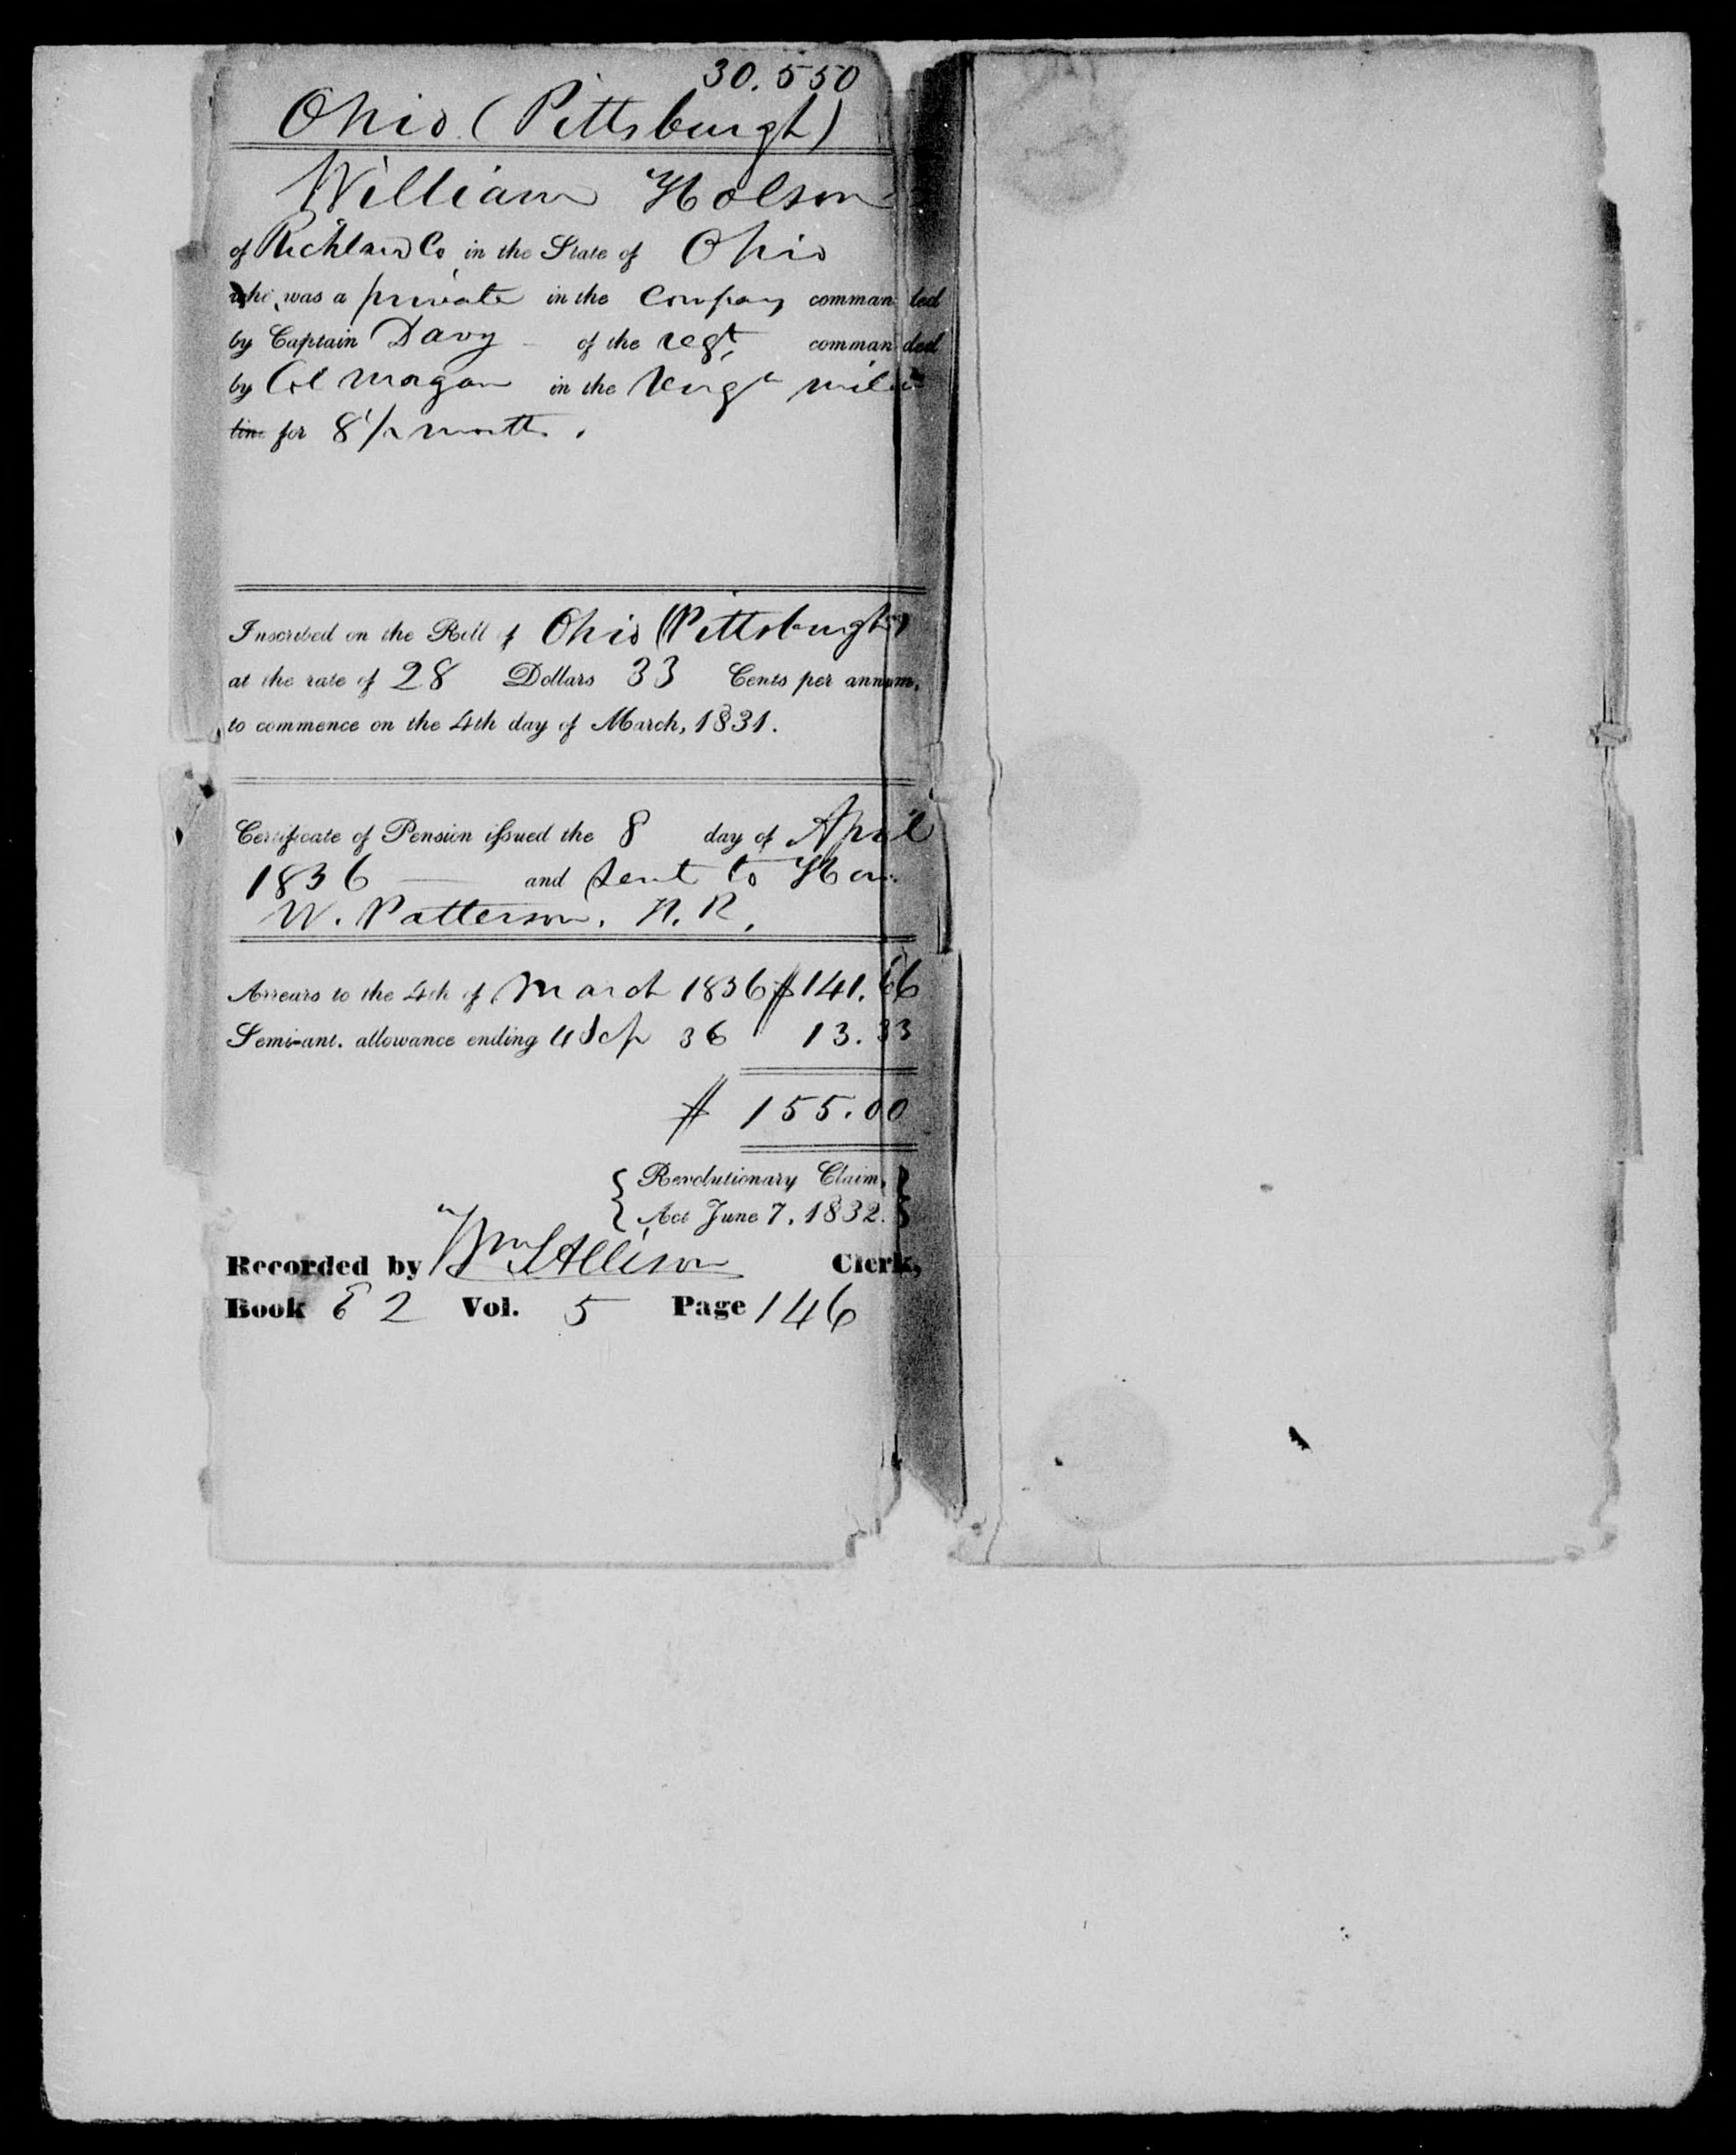30,550
Ohio (Pittsburgh)
William Holson
of Richland Co in the State of Ohio
who was a private in the Company commanded by Captain Davy - of the regt. commanded by Col Morgan in the Virga mila for 8 1/2 months.

Inscribed on the Roll of Ohio (Pittsburgh) at the rate of 28 Dollars 33 Cents per annum, to commence on the 4th day of March, 1831.

Certificate of Pension issued the 8 day of April 1836- and sent to Hon: W. Patterson, H.R.

Arrears to the 4th of March 1836 $141.66
Semi-anl. allowance ending 4 Sept 36 13.33
$155.00
{Revolutionary Claim, Act June 7, 1832.}
Recorded by Wm Allison Clerk,
Book E 2 Vol. 5 Page 146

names: Davy, W Patterson, Morgan, Wm S Allison, William Holson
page: 2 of 33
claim: survivor's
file: S. 9587, William Holson, Va.